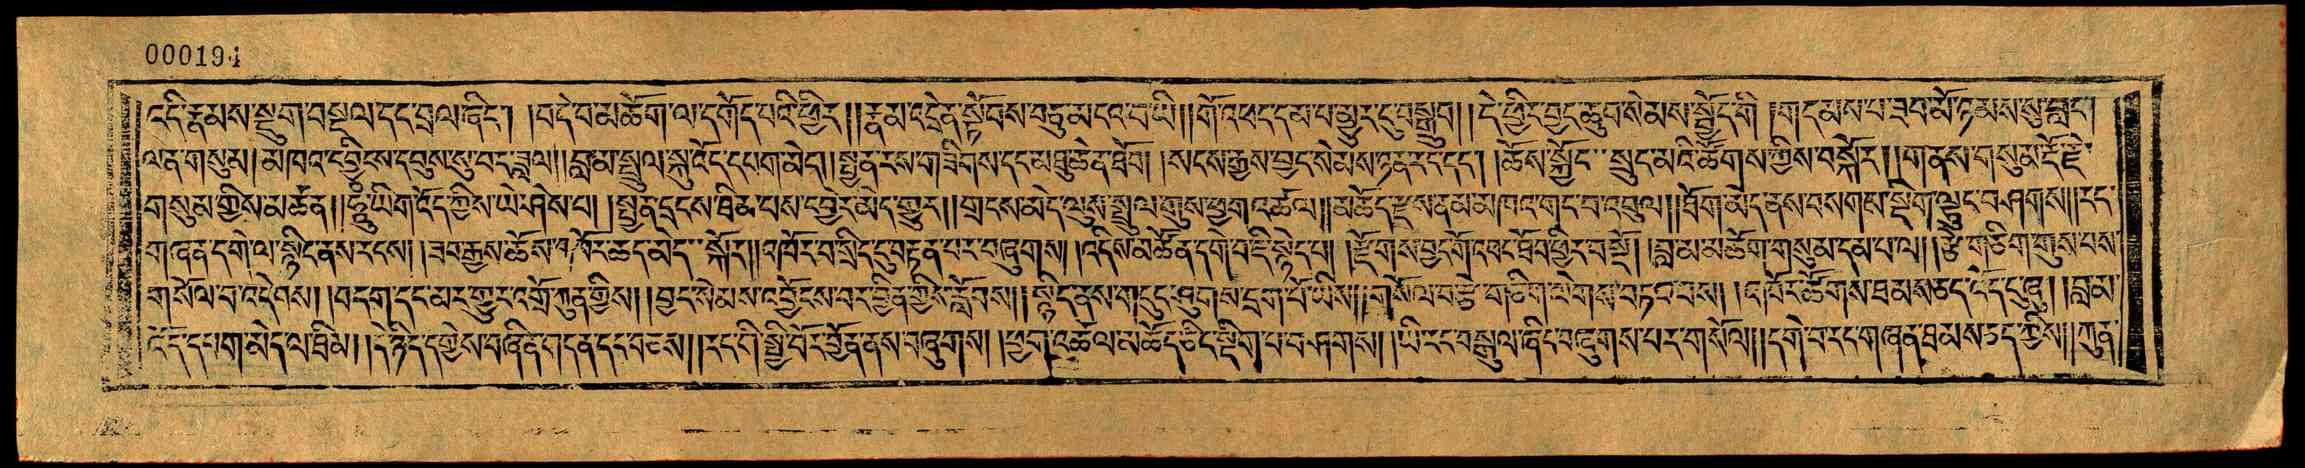འདི་རྣམས་སྡུག་བསྔལ་དང་བྲལ་ཞིང་། །བདེ་བ་མཆོག་ལ་དགོད་པའི་ཕྱིར། །རྣམ་འདྲེན་སྟོབས་བཅུ་མངའ་བ་ཡི། །གོ་འཕང་དམ་པ་མྱུར་དུ་བསྒྲུབ། །དེ་ཕྱིར་བྱང་ཆུབ་སེམས་སྦྱོང་གི །གདམས་པ་ཟབ་མོ་ཉམས་སུ་བླངས་
ལན་གསུམ། མཁའ་དབྱིངས་དབུས་སུ་པད་ཟླ་ལ། །བླ་མ་སྤྲུལ་སྐུ་འོད་དཔག་མེད། །སྤྱན་རས་གཟིགས་དང་མཐུ་ཆེན་ཐོབ། །སངས་རྒྱས་བྱང་སེམས་ཉན་རང་དང་། །ཆོས་སྐྱོང་སྲུང་མའི་ཚོགས་ཀྱིས་བསྐོར། །གནས་གསུམ་རྡོ་རྗེ་
གསུམ་གྱིས་མཚན། །ཧཱུཾ་ཡིག་འོད་ཀྱིས་ཡེ་ཤེས་པ། །སྤྱན་དྲངས་ཐིམ་བས་དབྱེར་མེད་གྱུར། །གྲངས་མང་ལུས་སྤྲུལ་གུས་ཕྱག་འཚལ། །མཆོད་རྫས་ནམ་མཁའ་གང་བ་འབུལ། །ཐོག་མེད་ནས་བསགས་སྡིག་ལྟུང་བཤགས། །རང་
གཞན་དགེ་ལ་སྙིང་ནས་རངས། །ཟབ་རྒྱས་ཆོས་འཁོར་ཚད་མེད་སྐོར། །འཁོར་བ་སྲིད་དུ་བརྟན་པར་བཞུགས། །འདིས་མཚོན་དགེ་བ་ཇི་སྙེད་པ། །རྫོགས་བྱང་གོ་འཕང་ཐོབ་ཕྱིར་བསྔོ། །བླ་མ་མཆོག་གསུམ་དམ་པ་ལ། །རྩེ་གཅིག་གུས་པས་
གསོལ་བ་འདེབས། །བདག་དང་མར་གྱུར་འགྲོ་ཀུན་གྱིས། །བྱང་སེམས་འབྱོངས་བར་བྱིན་གྱིས་རློབས། །སྙིང་ནས་གདུང་ཤུགས་དྲག་པོ་ཡིས། །གསོལ་བ་རྩེ་གཅིག་ལེགས་བཏབ་པས། །འཁོར་ཚོགས་ཐམས་ཅད་འོད་དུ་ཞུ། །བླ་མ་
འོད་དཔག་མེད་ལ་ཐིམ། །དེ་ཉིད་དགྱེས་བཞིན་གདན་དང་བཅས། །རང་གི་སྤྱི་བོར་བྱོན་ནས་བཞུགས། །ཕྱག་འཚལ་མཆོད་ཅིང་སྡིག་པ་བཤགས། །ཡི་རང་བསྐུལ་ཞིང་བཞུགས་པར་གསོལ། །དགེ་བ་རང་གཞན་ཐམས་ཅད་ཀྱིས། །ཀུན་